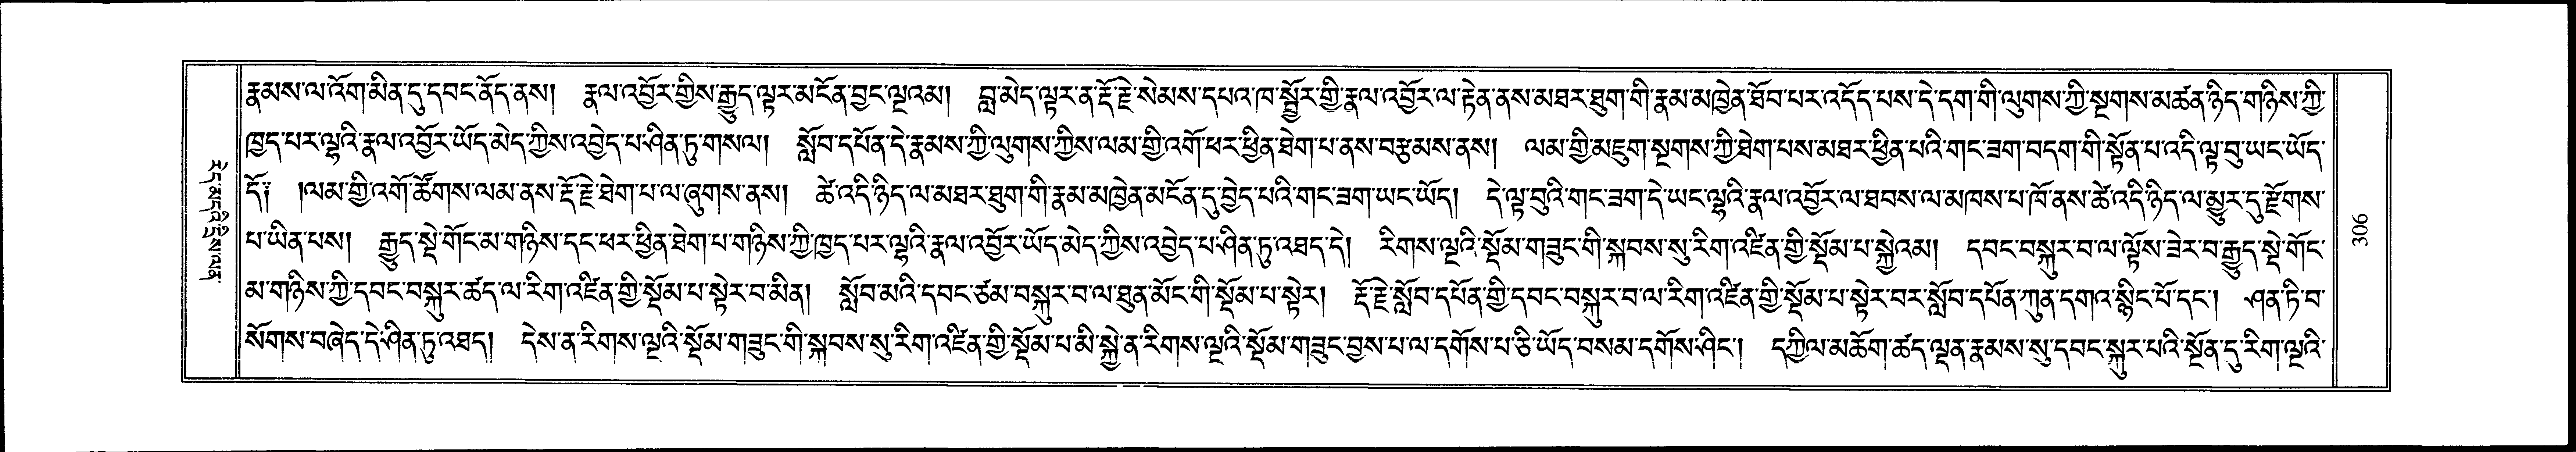རྣམས་ལ་འོག་མིན་དུ་དབང་ནོད་ནས། རྣལ་འབྱོར་གྱིས་རྒྱུད་ལྟར་མངོན་བྱང་ལྔའམ། བླ་མེད་ལྟར་ན་རྡོ་རྗེ་སེམས་དཔའ་ཁ་སྦྱོར་གྱི་རྣལ་འབྱོར་ལ་རྟེན་ནས་མཐར་ཐུག་གི་རྣམ་མཁྱེན་ཐོབ་པར་འདོད་པས་དེ་དག་གི་ལུགས་ཀྱི་སྔགས་མཚན་ཉིད་གཉིས་ཀྱི་
ཁྱད་པར་ལྷའི་རྣལ་འབྱོར་ཡོད་མེད་ཀྱིས་འབྱེད་པ་ཤིན་ཏུ་གསལ། སློབ་དཔོན་དེ་རྣམས་ཀྱི་ལུགས་ཀྱིས་ལམ་གྱི་འགོ་ཕར་ཕྱིན་ཐེག་པ་ནས་བརྩམས་ནས། ལམ་གྱི་མཇུག་སྔགས་ཀྱི་ཐེག་པས་མཐར་ཕྱིན་པའི་གང་ཟག་བདག་གི་སྟོན་པ་འདི་ལྟ་བུ་ཡང་ཡོད་
དོ། །ལམ་གྱི་འགོ་ཚོགས་ལམ་ནས་རྡོ་རྗེ་ཐེག་པ་ལ་ཞུགས་ནས། ཚེ་འདི་ཉིད་ལ་མཐར་ཐུག་གི་རྣམ་མཁྱེན་མངོན་དུ་བྱེད་པའི་གང་ཟག་ཡང་ཡོད། དེ་ལྟ་བུའི་གང་ཟག་དེ་ཡང་ལྷའི་རྣལ་འབྱོར་ལ་ཐབས་ལ་མཁས་པ་ཁོ་ནས་ཚེ་འདི་ཉིད་ལ་མྱུར་དུ་རྫོགས་
པ་ཡིན་པས། རྒྱུད་སྡེ་གོང་མ་གཉིས་དང་ཕར་ཕྱིན་ཐེག་པ་གཉིས་ཀྱི་ཁྱད་པར་ལྷའི་རྣལ་འབྱོར་ཡོད་མེད་ཀྱིས་འབྱེད་པ་ཤིན་ཏུ་འཐད་དེ། རིགས་ལྔའི་སྡོམ་གཟུང་གི་སྐབས་སུ་རིག་འཛིན་གྱི་སྡོམ་པ་སྐྱེའམ། དབང་བསྐུར་བ་ལ་ལྟོས་ཟེར་བ་རྒྱུད་སྡེ་གོང་
མ་གཉིས་ཀྱི་དབང་བསྐུར་ཚད་ལ་རིག་འཛིན་གྱི་སྡོམ་པ་སྟེར་བ་མིན། སློབ་མའི་དབང་ཙམ་བསྐུར་བ་ལ་ཐུན་མོང་གི་སྡོམ་པ་སྟེར། རྡོ་རྗེ་སློབ་དཔོན་གྱི་དབང་བསྐུར་བ་ལ་རིག་འཛིན་གྱི་སྡོམ་པ་སྟེར་བར་སློབ་དཔོན་ཀུན་དགའ་སྙིང་པོ་དང་། ཤན་ཏི་བ་
སོགས་བཞེད་དེ་ཤིན་ཏུ་འཐད། དེས་ན་རིགས་ལྔའི་སྡོམ་གཟུང་གི་སྐབས་སུ་རིག་འཛིན་གྱི་སྡོམ་པ་མི་སྐྱེ་ན་རིགས་ལྔའི་སྡོམ་གཟུང་བྱས་པ་ལ་དགོས་པ་ཅི་ཡོད་བསམ་དགོས་ཤིང་། དཀྱིལ་མཆོག་ཚད་ལྡན་རྣམས་སུ་དབང་སྐུར་བའི་སྔོན་དུ་རིག་ལྔའི་